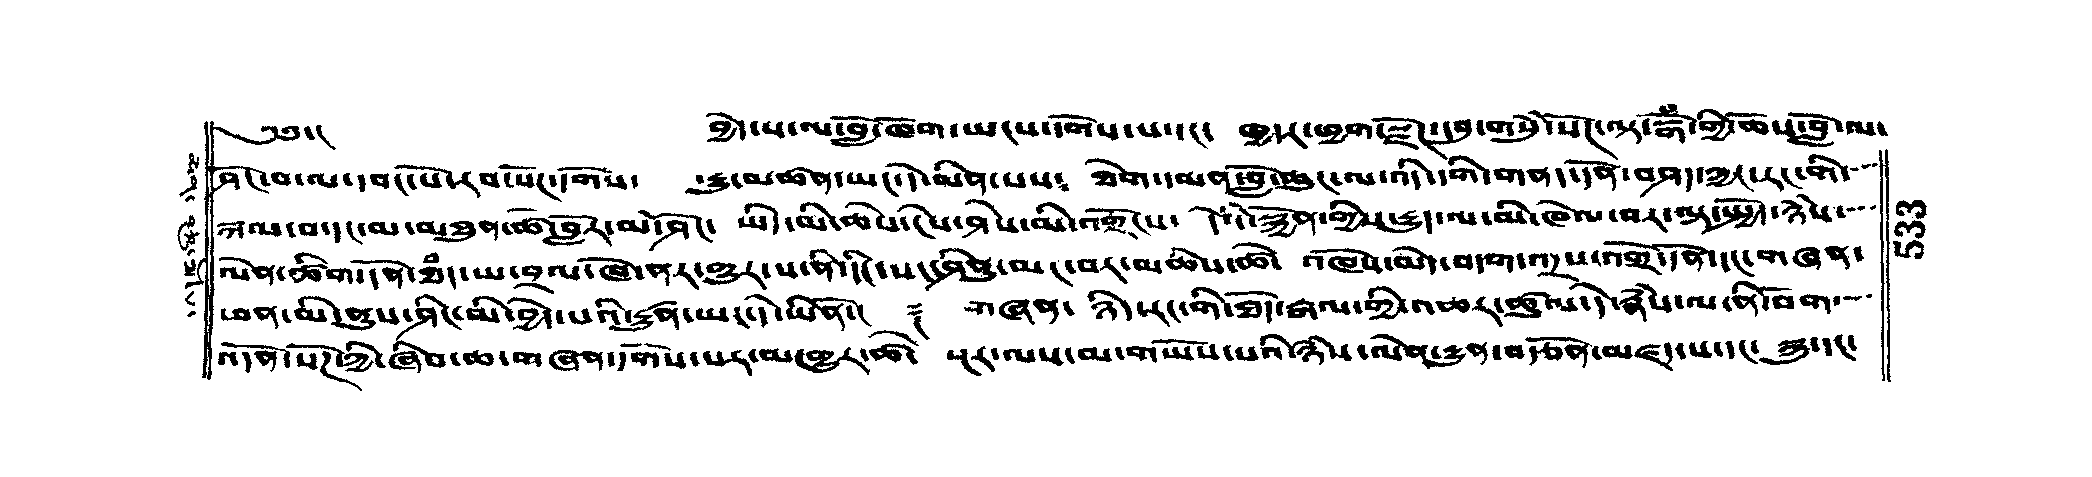བྱེད་པ་ལ་བློ་ཁོག་ཡངས་དགོས་པ་དང་། ཁྱད་པར་ཕྱག་རྫོགས་དབུ་གསུམ་སོགས་ལྟ་སྒོམ་གྱི་ཆོས་བློ་ལ་
ཤོང་བ་ལ་དབང་པོ་རབ་སོགས་དགོས་པའི་རྒྱུ་མཚན་ཡང་དེ་ཡིན་པས། ཐེག་དམན་བློ་ཆུང་ལ་འདི་དག་གི་གནད་དོན་བཤད་ཀྱང་རང་གི་
སྐལ་བ་དང་མ་མཐུན་ཚེ་བློར་མི་ཤོང་། ཡིད་མི་ཆེས། ངེས་ཤེས་མི་འགྲོངས། དེའི་སྐྱོན་གྱིས་རྒྱུད་ལ་མི་ཁེལ་བར་ལྟ་སྤྱོད་ཉམས་
ལེན་ཚིག་དོན་ཐམས་ཅད་ཡ་བྲལ་ཁོ་ནར་གྱུར་པ་ནི་དིང་སང་ཤིན་ཏུ་མང་བར་མཆིས་ཚེ། འཁོས་མེད་བདག་འདྲས་འགྲོ་དོན་དང་གཞན་
ཕན་མི་ནུས་ཤིང་མི་བྱེད་པའི་རྒྱུ་མཚན་ཡང་དེ་ཡིན་ནོ། ༈ གཞན། ཉིད་རང་གི་ཐོད་རྒལ་གྱི་འཆར་ཚུལ་དེ་རྣམས་ལ་ནི་བོགས་
འདོན་སོགས་ཀྱི་ཞིབ་ཆ་གཞན་དགོས་པར་མ་གྱུར་ཚེ། སྔར་ལས་མ་གཡོས་པའི་ཉམས་ལེན་རྒྱུན་བརྩོན་མཛད་པ་དང་། སྐུ་དང་